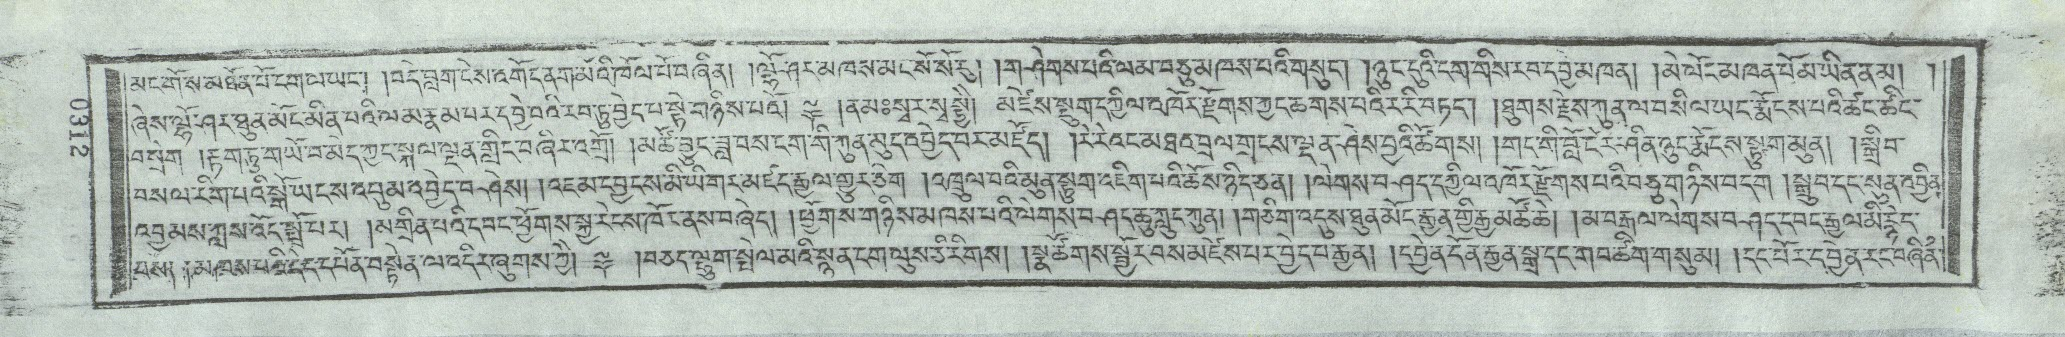མང་གོ་ས་མཐོན་པོ་ངག་ལ་ཡང་། །བདེ་བླག་ངེས་འགོད་ནག་མོའི་ཁོལ་པོ་བཞིན། །ལྷོ་ཤར་མཁས་མང་སོ་སོ་རུ། །གཤེགས་པའི་ལམ་བཅུ་མཁས་པའི་གསུང་། །ཉུང་དུའི་ངག་གིས་རབ་དབྱེ་མཁན། །མེ་ལོང་མཁན་པོ་མ་ཡིན་ནམ། །
ཞེས་ལྷོ་ཤར་ཐུན་མོང་མིན་བའི་ལམ་རྣམ་པར་དབྱེ་བའི་རབ་ཏུ་བྱེད་པ་སྟེ་གཉིས་པའོ། །ན་མཿ སྭ་ར་སྭ་སྟྱཻ། མཛེས་སྡུག་དཀྱིལ་འཁོར་རྫོགས་ཀྱང་ཆགས་བའི་ར་རི་བཏང་། །ཐུགས་རྗེས་ཀུན་ལ་བསིལ་ཡང་རྨོང་ཚང་ཚིང་
བསྲེག །རྟག་ཏུ་གཡོ་པ་མེད་ཀྱང་སྐལ་ལྡན་གླིང་བཞིར་འགྲོ། །མཚོ་བྱུང་ཟླ་བས་ངག་གི་ཀུན་མུན་འབྱེད་པར་མཛོད། །རེ་རེ་འང་མཐའ་བྲལ་གྲངས་ལྡན་ཤེས་བྱའི་ཚོགས། །གང་གི་བློ་དོར་ཤིན་ཉུང་རྨོངས་སྟུག་མུན། །སྒྲིབ་
བསལ་རིགས་པའི་སྒོ་ཡངས་འབུམ་འབྱེད་བཤེས། །འཇམ་དབྱངས་མི་ཡི་གར་མཛད་རྒྱལ་གྱུར་ཅིག །འཁྲུལ་བའི་མུན་སྟུག་འཇིག་པའི་ཆོས་ཉིད་ཅན། །ལེགས་བཤད་དཀྱིལ་འཁོར་རྫོགས་པའི་བཅུག་གཉིས་བདག། སྒྲུབ་དང་སུན་འབྱིན་
འབྱམས་ཀླས་འོད་སྤྲོ་པར། །མགྲིན་པའི་དབང་ཕྱུགས་སྐྱ་རེངས་ཁོར་ནས་བཞེད། །ཕྱོགས་གཉིས་མཁས་པའི་ལེགས་བཤད་ཆུ་ཀླུང་ཀུན། །གཅིག་འདུས་ཐུན་མོངས་རྒྱན་གྱི་རྒྱ་མཚོ་ཆེ། །མ་བརྒལ་ལེགས་བཤད་དབང་རྒྱལ་མི་རྙེད་
པས། །མཁས་པའི་དེད་དཔོན་བསྟེན་ལ་འདིར་ཞུགས་ཀྱཻ། ༈ །བཅད་ལྷུག་སྤེལ་མའི་སྙན་ངག་ལུས་ཅི་རིགས། །སྣ་ཚོགས་སྦྱོར་བས་མཛེས་པར་བྱེད་པ་རྒྱན། །དབྱེ་ན་དོན་རྒྱལ་སྒྲ་དང་ག་ཚིགས་གསུམ། །དང་པོར་དབྱེན་རང་བཞིན།